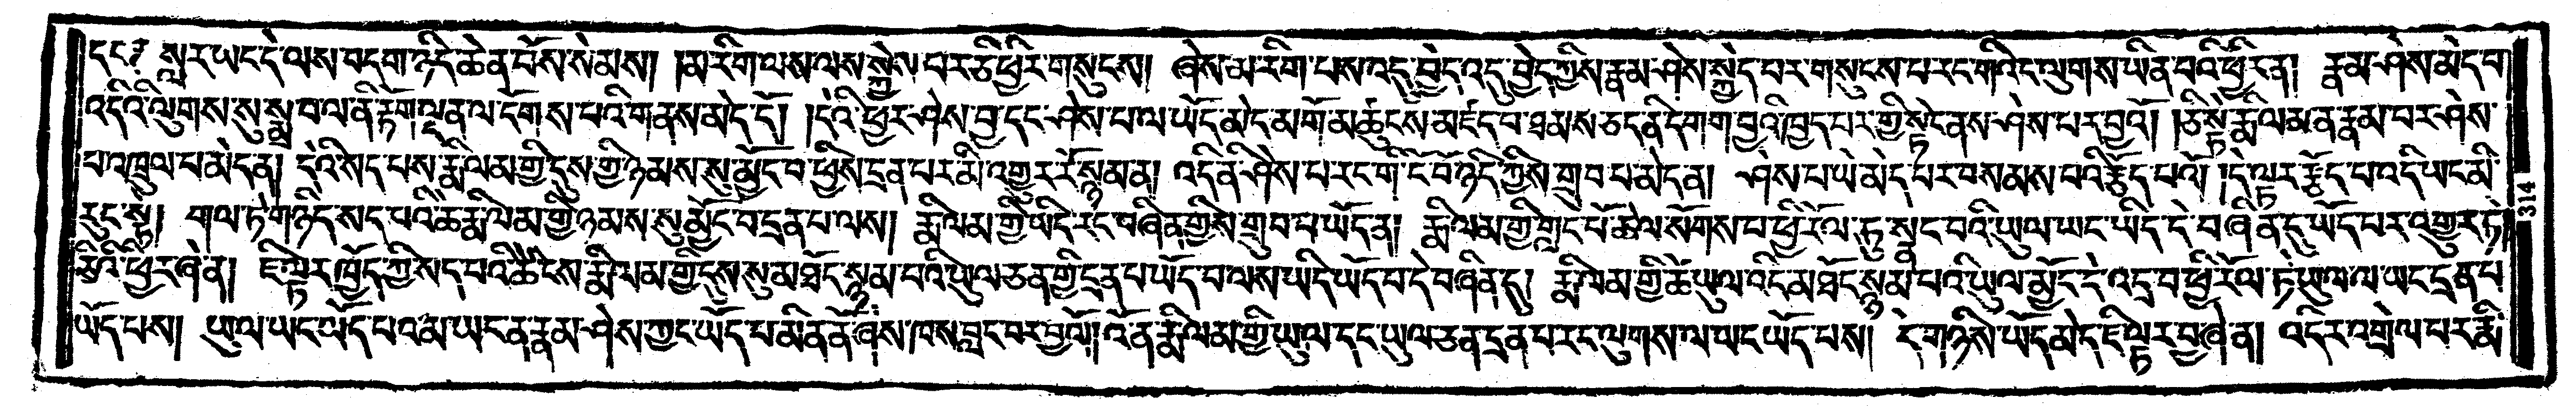དང༑ སླར་ཡང་དེ་ལས་བདག་ཉིད་ཆེན་པོས་སེམས། །མ་རིག་ལས་ལས་སྐྱེས་པར་ཅི་ཕྱིར་གསུངས། ཞེས་མ་རིག་པས་འདུ་བྱེད་འདུ་བྱེད་ཀྱིས་རྣམ་ཤེས་སྐྱེད་པར་གསུངས་པ་རང་གིའང་ལུགས་ཡིན་པའི་ཕྱིར་ན། རྣམ་ཤེས་མེད་པ་
འདིའི་ལུགས་སུ་སྨྲ་བ་ལ་ནི་རྟོག་ལྡན་ལ་དོགས་པའི་གནས་མེད་དོ། །དེའི་ཕྱིར་ཤེས་བྱ་དང་ཤེས་པ་ལ་ཡོད་མེད་མགོ་མཚུངས་མཛད་པ་ཐམས་ཅད་ནི་དགག་བྱའི་ཁྱད་པར་གྱི་སྟེང་ནས་ཤེས་པར་བྱའོ། །ཅི་སྟེ་རྨི་ལམ་ན་རྣམ་པར་ཤེས་
པ་འཁྲུལ་པ་མེད་ན། དེའི་སད་པས་རྨི་ལམ་གྱི་དུས་གྱི་ཉམས་སུ་མྱོང་བ་ཕྱིས་དྲན་པར་མི་འགྱུར་རོ་སྙམ་ན། འདི་ནི་ཤེས་པ་རང་གི་ངོ་བོ་ཉིད་ཀྱིས་གྲུབ་པ་མེད་ན། ཤེས་པ་ཡེ་མེད་པར་བསམས་པའི་རྩོད་པའོ། །དེ་ལྟར་རྩོད་པ་འདི་ཡང་མི་
རུང་སྟེ། གལ་ཏེ་གཉིད་སད་པའི་ཚེ་རྨི་ལམ་གྱི་ཉམས་སུ་མྱོང་བ་དྲན་པ་ལས། རྨི་ལམ་གྱི་ཡིད་རང་བཞིན་གྱིས་གྲུབ་པ་ཡོད་ན། རྨི་ལམ་གྱི་གླང་པོ་ཆེ་ལ་སོགས་པ་ཕྱི་རོལ་ཏུ་སྣང་བའི་ཡུལ་ཡང་ཡིད་དེ་བཞིན་དུ་ཡོད་པར་འགྱུར་ཏེ།
ཅིའི་ཕྱིར་ཞེ་ན། ཇི་ལྟར་ཁྱོད་ཀྱི་སད་པའི་ཚེ་ངས་རྨི་ལམ་གྱི་དུས་སུ་མཐོང་སྙམ་པའི་ཡུལ་ཅན་གྱི་དྲན་པ་ཡོད་པ་ལས་ཡིད་ཡོད་པ་དེ་བཞིན་དུ། རྨི་ལམ་གྱི་ཚེ་ཡུལ་འདི་མཐོང་སྙམ་པའི་ཡུལ་མྱོང་དེ་འདྲ་བ་ཕྱི་རོལ་ཏེ་ཡུལ་ལ་ཡང་དྲན་པ་
ཡོད་པས། ཡུལ་ཡང་ཡོད་པའམ་ཡང་ན་རྣམ་ཤེས་ཀྱང་ཡོད་པ་མིན་ནོ་ཞེས་ཁས་བླང་བར་བྱའོ། །འོ་ན་རྨི་ལམ་གྱི་ཡུལ་དང་ཡུལ་ཅན་དྲན་པ་རང་ལུགས་ལ་ཡང་ཡོད་པས། དེ་གཉིས་ཡོད་མེད་ཇི་ལྟར་བྱ་ཞེ་ན། འདིར་འགྲེལ་པར་རྨི་